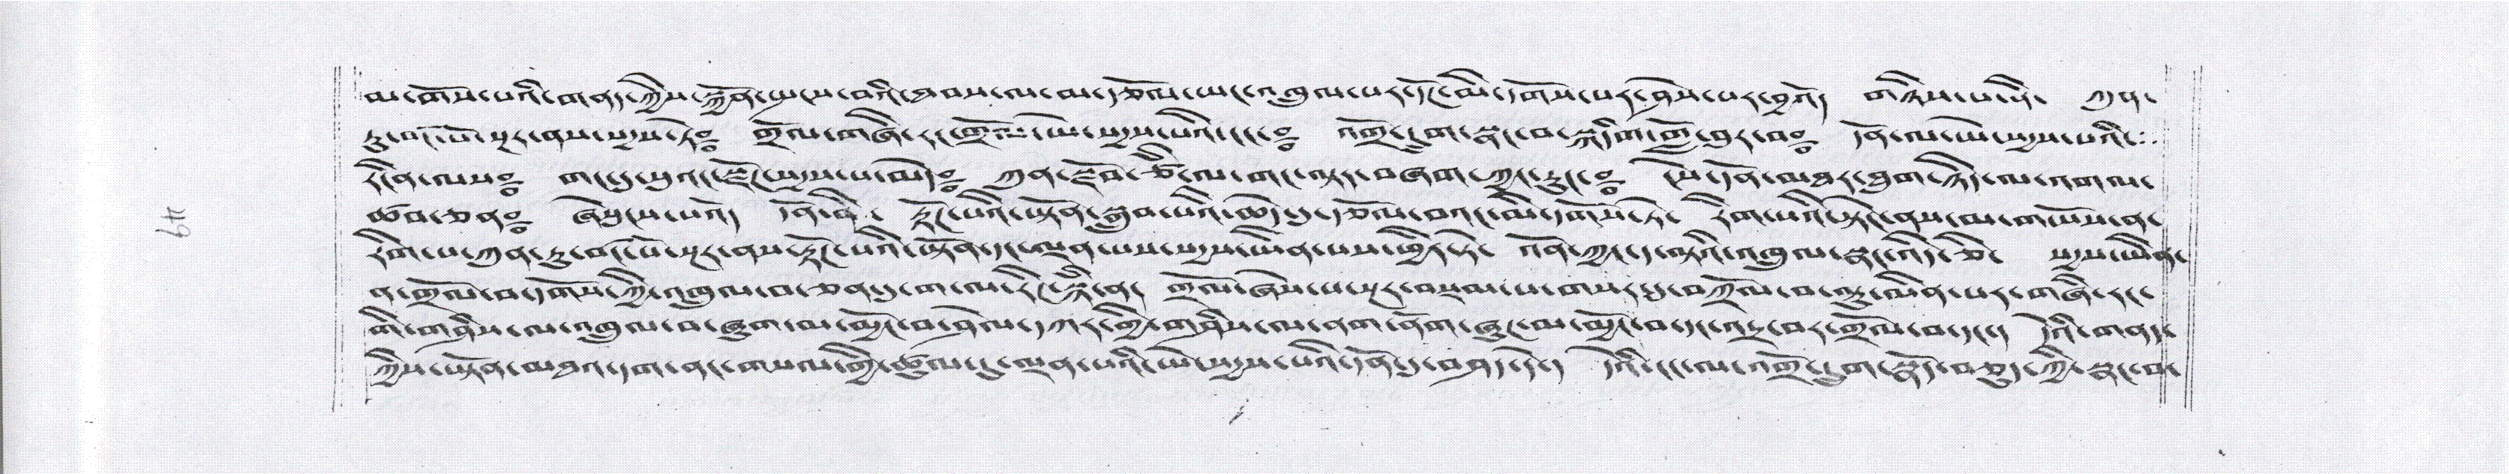མ་གོས་པའི་གནད་ཀྱིས་སྐྱོན་སྤང་བའི་ཐབས་ལ་མ་རྩོལ་ཡང་འཁྲུལ་པར་དྭོགས་མི་དགོས་པར་ཤེས་པར་བྱའོ། གཉིས་པ་ནི། ཀུན་
ཏུ་བཟང་པོ་སྔར་ནས་སངས་རྒྱས་ཏེཿ གྲོལ་གཞི་རང་གྲོལ་ཡེ་སངས་རྒྱས་པའི་ངངཿ འགྲོ་དྲུག་སྣང་བ་སྐད་ཅིག་གློ་བུར་བཿ དོན་ལ་ཡེ་སངས་རྒྱས་པའི་
རང་བཞིན་ལསཿ གང་དུ་སུ་ཡང་རྫོགས་སངས་རྒྱས་པ་མེདཿ ཀུན་རྫོབ་ཙམ་ལ་གང་ལྟར་བཞག་ཀྱང་རུངཿ ངེས་དོན་མཐར་ཐུག་ཉིད་ལ་འགལ་
ཚབས་ཅནཿ ཞེས་གསུངས་སོ། དོན་ནི། རྟོགས་པའི་ཡོན་ཏན་བསྒྲུབ་པའི་ཆེད་དུ་རྩོལ་བའང་མི་དགོས་ཏེ། རིག་པའི་སྟེང་ནས་མ་གཡོས་ན་
རིག་པ་ཀུན་ཏུ་བཟང་པོ་སྔར་ནས་རྟོགས་པའི་ཡོན་ཏན་དང་ལྡན་པས་སངས་རྒྱས་ཡིན་པའི་ཕྱིར་ཏེ། འོན་ཀྱང་ད་ལྟའི་འཁྲུལ་སྣང་འདི་ཅི། སངས་རྒྱས་ཡིན་
ན་གྲོལ་བ་དགོས་ཀྱི་འཁྲུལ་པ་ཅན་དུ་ག་ལ་རིགས་སྙམ་ན། གྲོལ་ཞེས་པ་སྔར་བསྡམས་པ་གསར་དུ་བཀྲོལ་བ་ལྟ་བུ་མིན་པར་གཞི་རང་
གི་གཤིས་ལ་འཁྲུལ་པ་ཞུགས་མ་མྱོང་བ་ཤེལ་དཀར་གྱི་གཤིས་ལ་ནག་ནོག་ཞུགས་མ་མྱོང་བ་དང་འདྲ་བར་གྲོལ་བ་དང་། དེའི་གནད་
ཀྱིས་ཡོན་ཏན་མཐའ་དག་ནང་གསལ་གྱི་ཚུལ་དུ་ལྡན་པའི་ཡེ་སངས་རྒྱས་པའི་དོན་དུ་བཤད་དེ། དེའི་ངང་ལ་འགྲོ་དྲུག་སྣོད་བཅུད་ཀྱི་སྣང་བ་